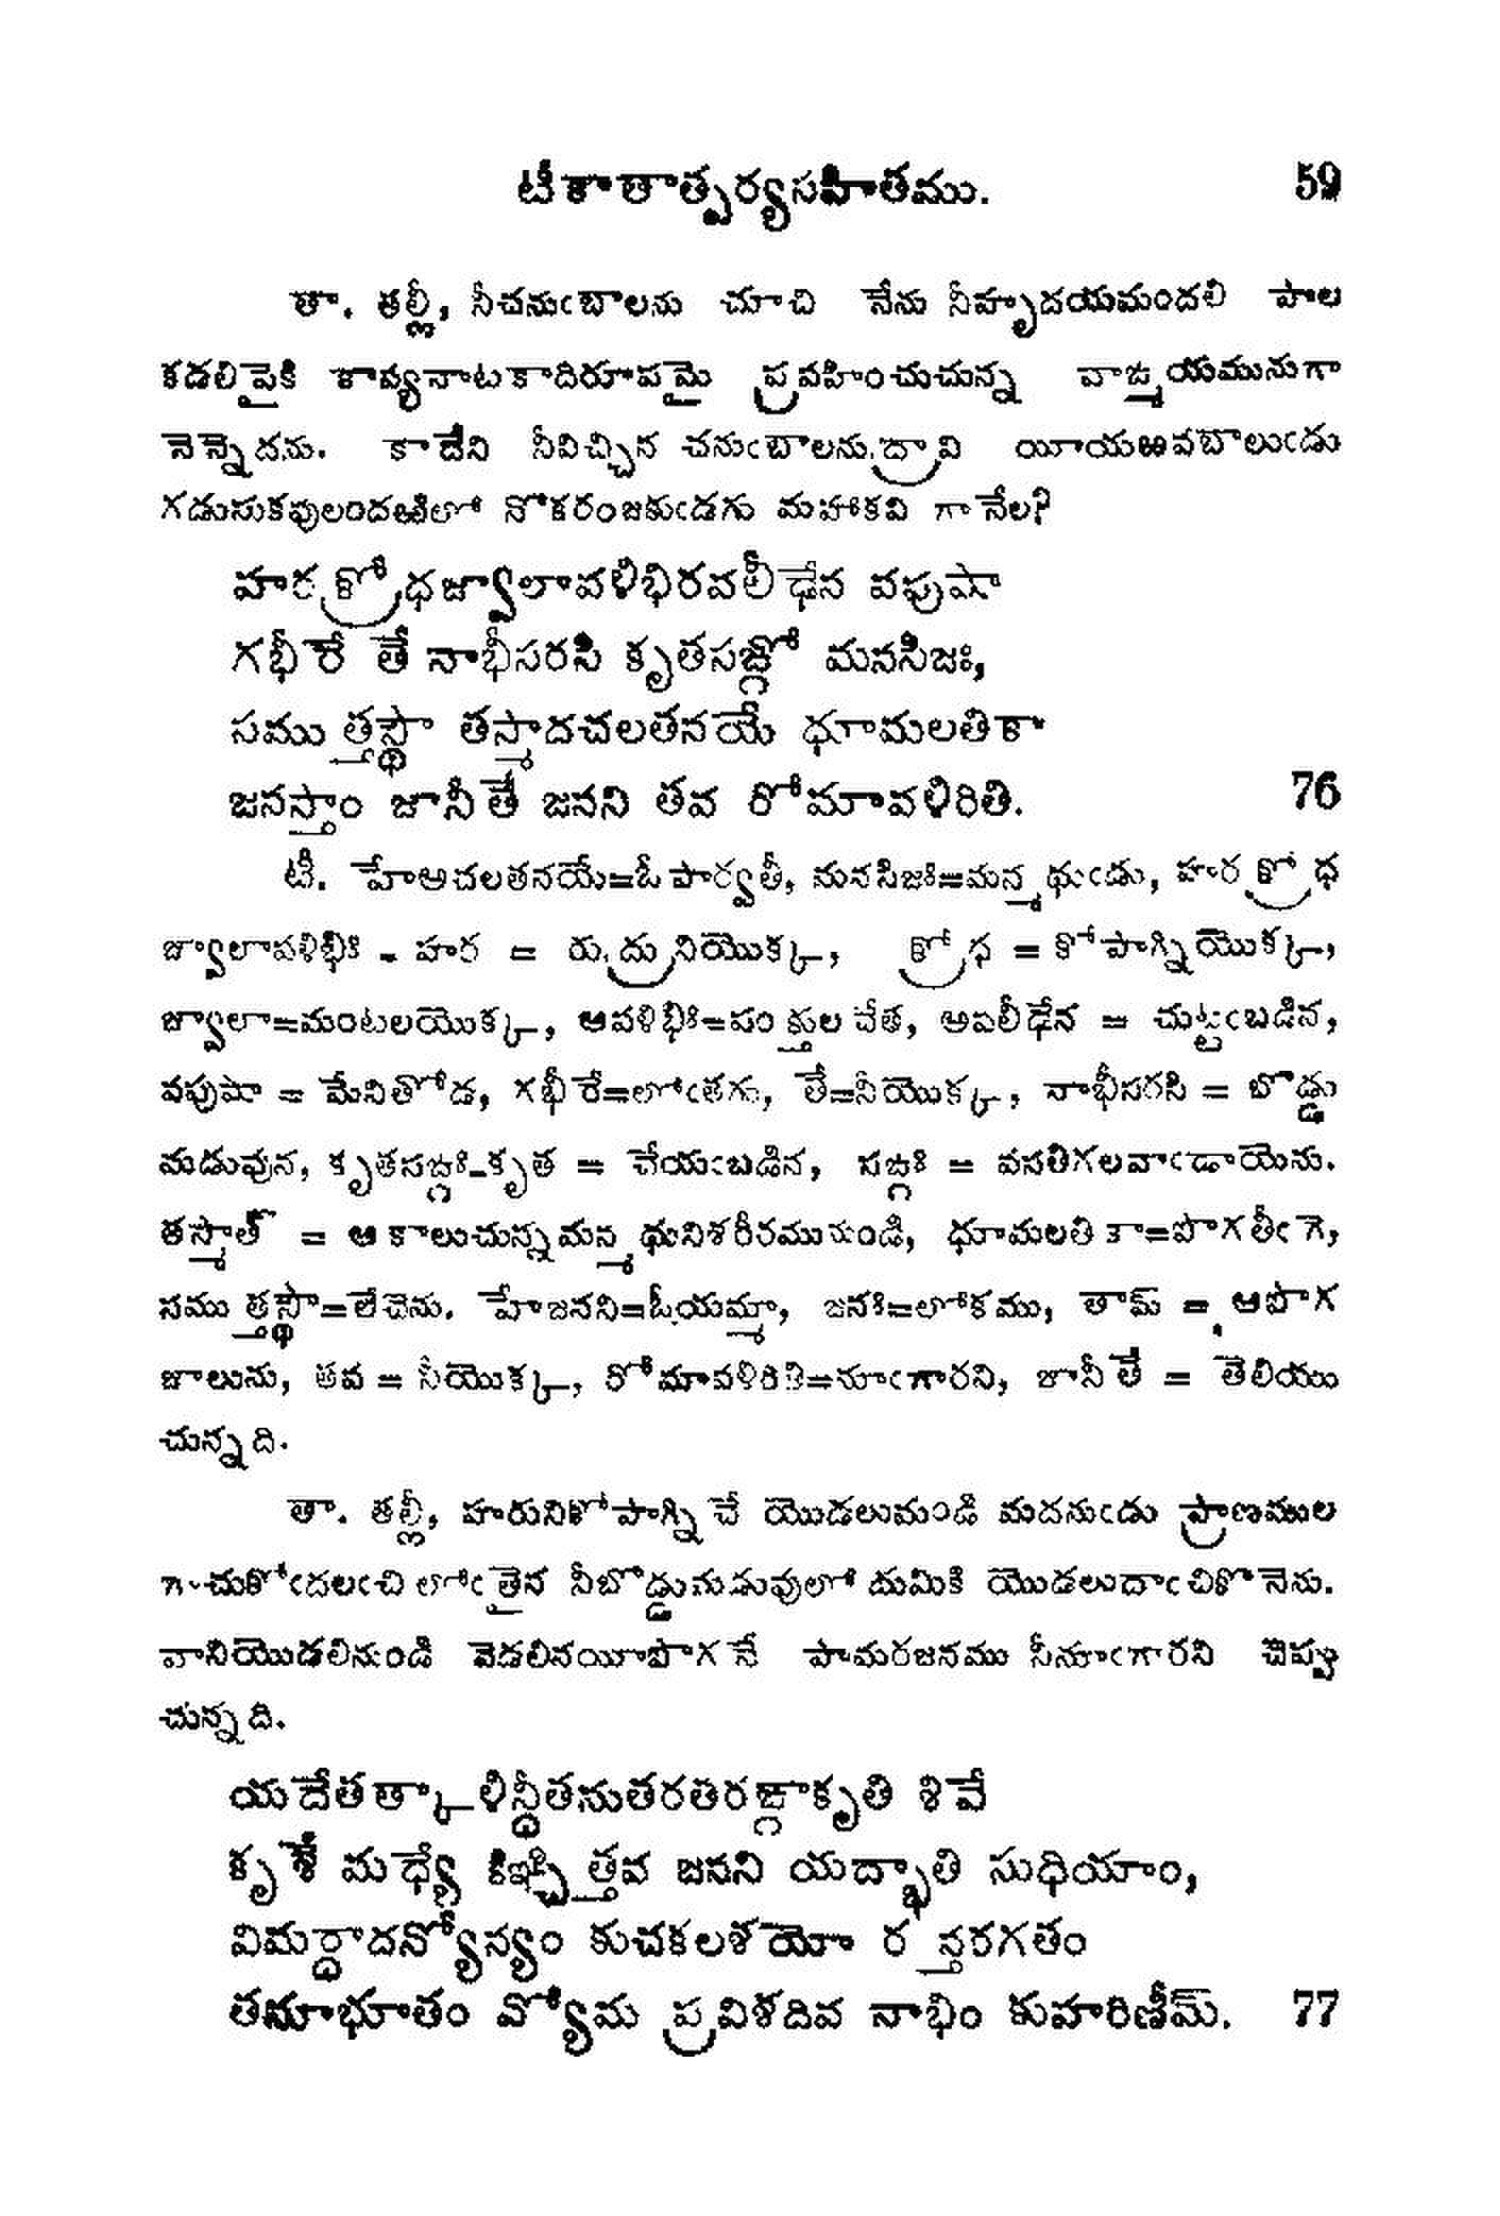తా. తల్లీ, నీచనుఁబాలను చూచి నేను నీహృదయమందలి పాలకడలిపైకి కావ్యనాటకాదిరూపమై ప్రవహించుచున్న వాఙ్మయమునుగా నెన్నెదను. కాదేని నీవిచ్చిన చనుఁబాలనుద్రావి యీయఱవబాలుఁడు గడుసుకవులందఱిలో నొకరంజకుఁడగు మహాకవి గానేల?

హరక్రోధజ్వాలావళిభిరవలీఢేన వపుషా
గభీరే తే నాభీసరసి కృతసఙ్గో మనసిజః,
సముత్తస్థౌ తస్మాదచలతనయే ధూమలతికా
జనస్తాం జానీతే జనని తవ రోమావళిరితి. 76
టీ. హేఅచలతనయే = ఓపార్వతీ, మనసిజః = మన్మథుఁడు, హరక్రోధజ్వాలావళిభిః-హర = రుద్రునియొక్క, క్రోధ = కోపాగ్నియొక్క, జ్వాలా = మంటలయొక్క, అవళిభిః = పంక్తులచేత, అవలీఢేన = చుట్టఁబడిన, వపుషా = మేనితోడ, గభీరే = లోఁతగు, తే = నీయొక్క, నాభీసరసి = బొడ్డు మడుపున, కృతసఙ్గః-కృత = చేయఁబడిన, సఙ్గః = వసతిగలవాఁడాయెను. తస్మాత్ = ఆకాలుచున్నమన్మథునిశరీరమునుండి, ధూమలతికా = పొగతీఁగె, సముత్తస్థౌ = లేచెను, హేజనని = ఓయమ్మా, జనః = లోకము, తాం = ఆపొగ జాలును, తవ = నీయొక్క, రోమావళిరితి = నూఁగారని, జానీతే = తెలియుచున్నది.

తా. తల్లీ, హరునికోపాగ్నిచే యొడలునుండి మదనుఁడు ప్రాణముల గాచుకోఁదలఁచి లోఁతైన నీబొడ్డుమడువులో దుమికి యొడలుదాఁచికొనెను. వానియొడలినుండి వెడలిన యీపొగనే పామరజనము నీనూఁగారని చెప్పుచున్నది.

యదేతత్కాళిన్దీతనుతరతరఙ్గాకృతి శివే
కృశే మధ్యే కిఞ్చిత్తవ జనని యద్భాతి సుధియాం,
విమర్దాదన్యోన్యం కుచకలశయో రన్తరగతం
తనూభూతం వ్యోమ ప్రవిశదివ నాభిం కుహరిణీమ్. 77